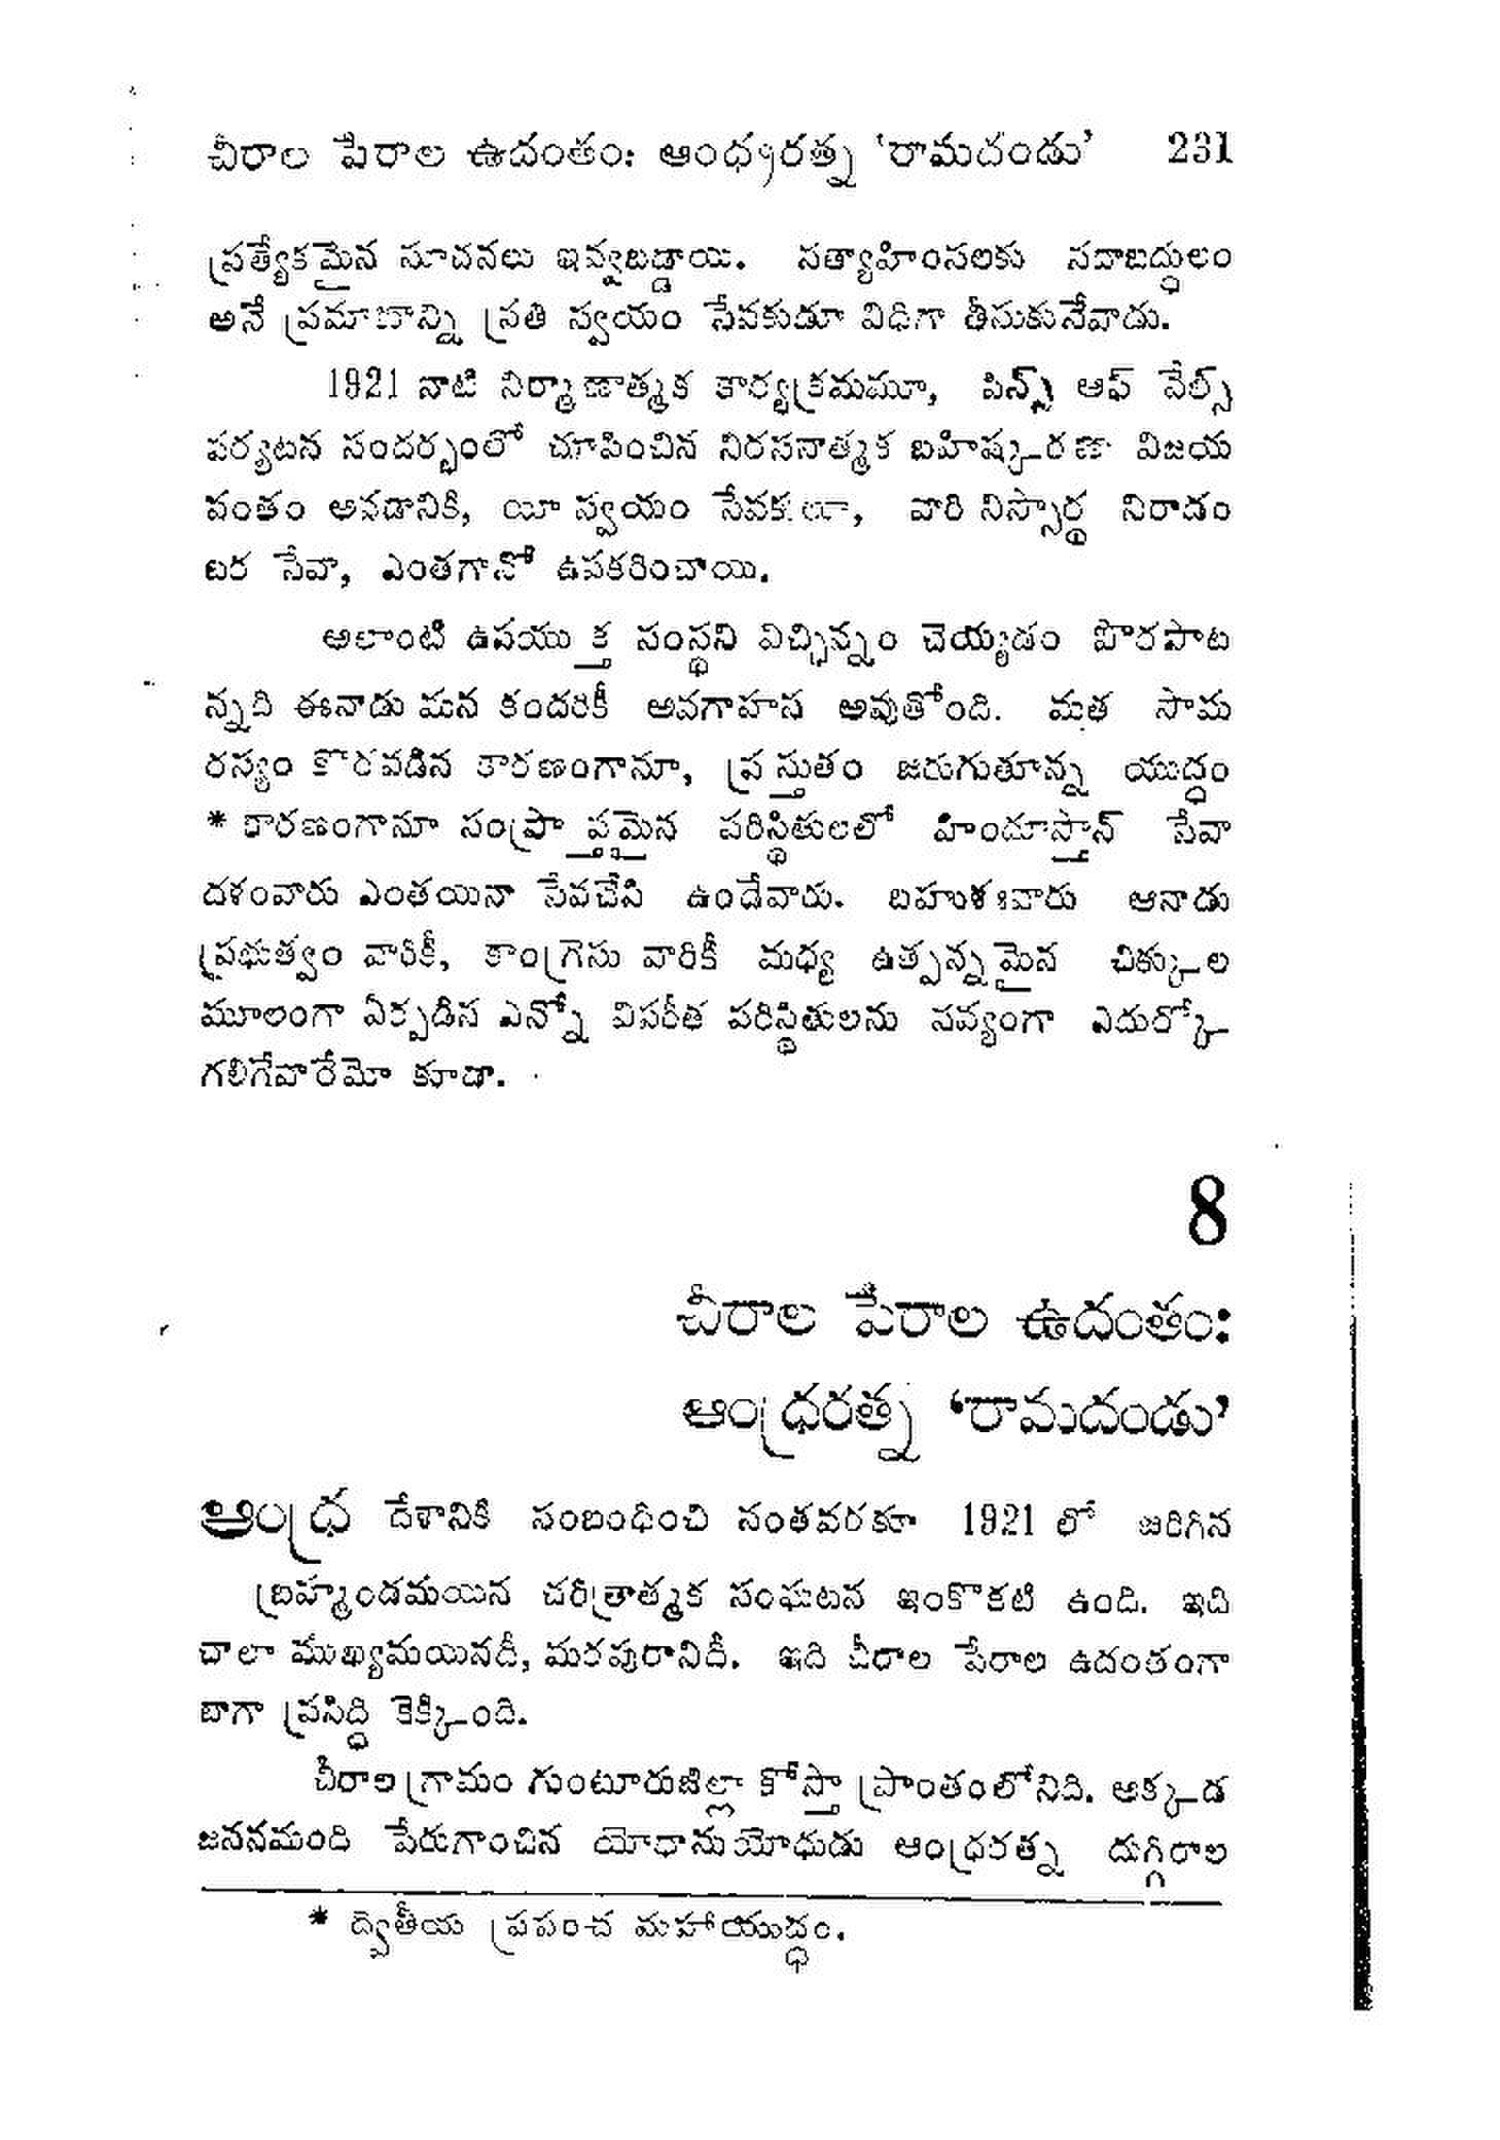ప్రత్యేకమైన సూచనలు ఇవ్వబడ్డాయి. సత్యాహింసలకు సదాబద్దులం అనే ప్రమాణాన్ని ప్రతి స్వయం సేవకుడూ విధిగా తీసుకునేవాడు.

1921 నాటి నిర్మాణాత్మక కార్యక్రమమూ, పిన్స్ ఆప్ వేల్స్ పర్యటన సందర్భంలో చూపించిన నిరసనాత్మక బహిష్కరణ విజయవంతం అవడానికి, యీ స్వయం సేవకులూ, వారి నిస్సార్థ నిరాడంబర సేవా, ఎంతగానో ఉపకరించాయి.

అలాంటి ఉపయుక్త సంస్థని విచ్చిన్నం చెయ్యడం పొరపాటున్నది ఈనాడు మన కందరికీ అవగాహన అవుతోంది. మత సామరస్యం కొరవడిన కారణంగానూ, ప్రస్తుతం జరుగుతూన్న యుద్ధం* కారణంగానూ సంప్రాప్తమైన పరిస్థితులలో హిందూస్తాన్ సేవా దళంవారు ఎంతయినా సేవచేసి ఉండేవారు. బహుశా:వారు ఆనాడు ప్రభుత్వం వారికీ, కాంగ్రెసు వారికీ మధ్య ఉత్పన్నమైన చిక్కుల మూలంగా ఏర్పడిన ఎన్నో విపరీత పరిస్థితులను సవ్యంగా ఎదుర్కోగలిగేవారేమో కూడా.

ఆంధ్ర దేశానికి సంబంధించి నంతవరకూ 1921 లో జరిగిన బ్రహ్మాండమయిన చరిత్రాత్మక సంఘటన ఇంకొకటి ఉంది. ఇది చాలా ముఖ్యమయినదీ, మరపురానిదీ. ఇది చీరాల పేరాల ఉదంతంగా బాగా ప్రసిద్ధి కెక్కింది.

చీరాలగ్రామం గుంటూరుజిల్లా కోస్తా ప్రాంతంలోనిది. అక్కడ జననమంది పేరుగాంచిన యోధానుయోధుడు ఆంధ్రరత్న దుగ్గిరాల